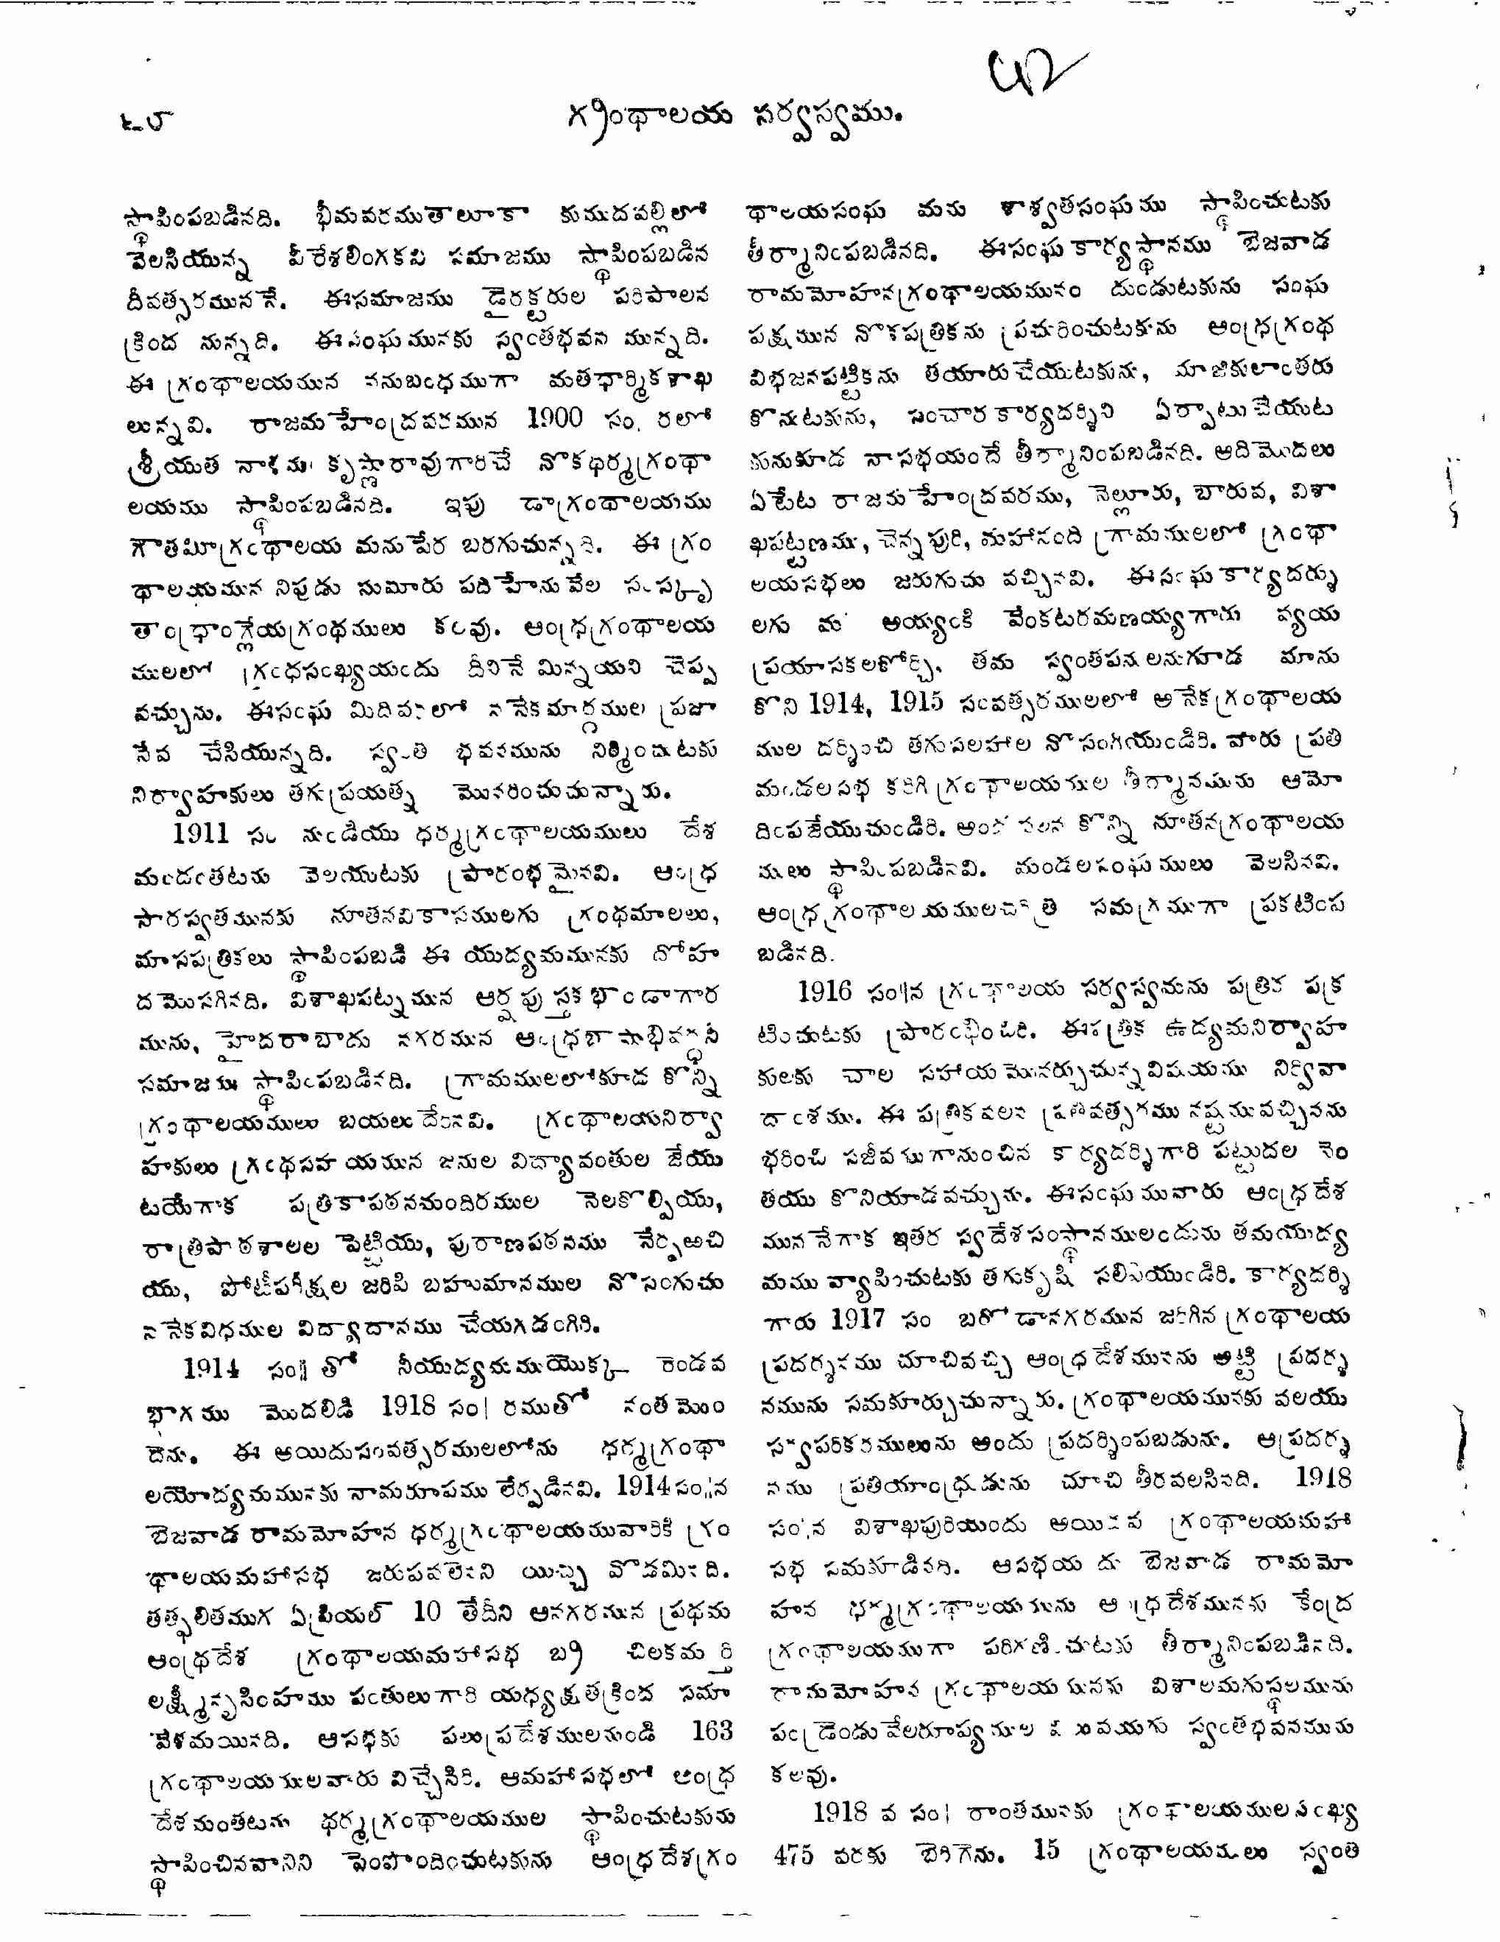సాపింపబడినది. భీమవరము తాలూకా కుముదవల్లిలో వెలసియున్న వీరేశలింగకవి సమాజము స్థాపింపబడినదీవత్సరముననే. ఈసమాజము డైరక్టరుల పరిపాలన క్రింద నున్నది. ఈ సంఘమునకు స్వంతభవన మున్నది. ఈ గ్రంథాలయమున ననుబంధముగా మతధార్మికశాఖ లున్నవి. రాజమహేంద్రవరమున 1900 సం.రములో శ్రీయుత నాళను కృష్ణారావుగారిచే నొకథర్మ గ్రంథాలయము సాపింపబడినది. ఇపుడా గ్రంథాలయము గౌతమీ గ్రంథాలయమనుపేరు బరుగుచున్నది. ఈ గ్రంథాలయమున నిపుడు సుమారు పదిహేను వేల సంస్కృతాంధ్రాంగ్లేయ గ్రంథములు కలవు. ఆంధ్రగ్రంథాలయములలో గ్రంధసంఖ్యయఁదు దీనినే మిన్నయని చెప్పవచ్చును. ఈసంఘ మీదివరలో ననేకమార్గముల ప్రజాసేవ చేసియున్నది. స్వంతి భవనమును నిర్మించుటకు నిర్వాహకులు తగు ప్రయత్న మొనరించుచున్నారు.

1911 సం.రము నుండియు ధర్మగ్రంథాలయములు దేశమందంతటను వెలయుటకు ప్రారంభమైనవి. ఆంధ్రసారస్వతమునకు నూతన వికాసములగు గ్రంథమాలలు, మాసపత్రికలు స్థాపింపబడి ఈ యుద్యమమునకు దోహదమొసగినది. విశాఖపట్నమున ఆర్షపుస్తక భాండా
గారమును, హైదరాబాదు నగరమున ఆంధ్రభాషాభివర్ణనీ సమాజయ స్థాపింపబడినది. గ్రామములలోకూడ కొన్ని గ్రంథాలయములు బయలు దేరినవి. గ్రంథాలయనిర్వాహకులు గ్రఁధసహయమున జనుల విద్యావంతులు జేయుయే పత్రికాపఠనమందిరముల నెలకొల్పియు,
రాత్రిపాఠశాలలు పెట్టియు, పురాణపఠనము నేర్పిఱచియు, పోటీపరీక్షలు జరిపి బహుమానముల నొసంగుచు ననేకవిధముల విద్యాదానము చేయబడంగిరి.

1914 సంస్థతో నీయుద్యమము యొక్క రెండవ భాగము మొదలిడి 1918 సంవత్సరములముతో సంతమొందెను. ఈ అయిదు సంవత్సరములలోను ధర్మగ్రంథాలయోద్యమమునకు నామరూపము లేర్పడినవి. 1914 సంవత్సరములన బెజవాడ రామమోహన ధర్మగ్రంథాలయమువారికి గ్రంథాలయమహాసభ జరుపవలెనని యిచ్చి వొడమినది. తత్ఫలితముగ ఏప్రియల్ 10 తేదీని ఆనగరమున ప్రథమ ఆంధ్రదేశ గ్రంథాలయమహాసభ బ్ర చిలకమర్తి లక్ష్మీనృసింహము పంతులు గారి యధ్యక్షతక్రింద సమావేళమయినది. ఆసభకు పలు ప్రదేశములనుండి 163 గ్రంథాలయములవారు విచ్చేసిరి. ఆమహాసభలో ఆంధ్రదేశమంతటను ధర్మగ్రంథాలయముల 
స్టాపించుటకును స్థాపించినవానిని పెంపొందించుటకును ఆంధ్రదేశగ్రంథాలయసంఘ మను శాశ్వతసంఘము సాపించుటకు
తీర్మానింపబడినది. ఈ సంఘ కార్యస్థానము బెజవాడ రామమోహన గ్రంథాలయమునం దుండుటకును సంఘపక్షమున నొకపత్రికను ప్రచురించుటకును ఆంధ్రగ్రంథ విభజనపట్టికను తయారుచేయుటకును, మాజికులాంతరు కొనఁటకును, సంచారకార్యదర్శిని ఏర్పాటు చేయుటకునుకూడ నాసభయందే తీర్మానింపబడినది. అది మొదలు ఏటేట రాజమహేంద్రవరము, నెల్లూరు, బారువ, విశాఖపట్టణము, చెన్నపురి, మహానంది గ్రామములలో గ్రంథాలయసభలు జరుగుచు వచ్చినవి. ఈసంఘ కార్యదర్శులగు మ అయ్యంకి వెంకటరమణయ్య గారు వ్యయప్రయాసకలకోర్చి, తమ స్వంతపనులను గూడకొని 1914, 1915 సంవత్సరములలో అనేక గ్రంథాలయముల దర్శించి తగు సలహాల నోసంగీయుండిరి. వారు ప్రతి మఁడలసభ కరిగి గ్రంథాలయగుల తీర్మానమును ఆమోదిఁపజేయుచుండిరి. అందువలన కొన్ని నూతన గ్రంథాలయమలు సాపింపబడినవి. మండలసంఘములు వెలసినవి. ఆంధ్రగ్రంథాలయముల చరిత్ర సమగ్రముగా ప్రకటింప
బడినది.

1916 సం|న గ్రంథాలయ సర్వస్వమను పత్రిక పక్రటించుటకు ప్రారంభించిరి. ఈపత్రిక ఉద్యమనిర్వాహకులకు చాల సహయమొనర్చు
చున్నవిషయము నిర్వివాదాంశ్రము. ఈ పత్రిక వలన ప్రతివత్సరము నష్టము వచ్చినను భరించి సజీవముగానుంచిన కార్యదర్శి గారి పట్టుదల నెంతయు కొనియాడ వచ్చును. ఈ సంఘమువారు ఆంధ్రదేశమున నేగాక ఇతర స్వదేశ సంస్థానములందును తమయుద్య
మము వ్యాపించుటకు తగుకృషి సలిపియుండిరి. కార్యదర్శిగారు 1917 సం బరోడానగరమున జరిగిన గ్రంథాలయ ప్రదర్శనము చూచివచ్చి ఆంధ్రదేశమునను అట్టి ప్రదర్శనమును సమకూర్చుచున్నారు. గ్రంథాలయమునకు వలయు స్వపరికరములును అందు 
ప్రదర్శింపబడును. ఆప్రదర్శనము ప్రతియాంధ్రుడును చూచి తీరవలసినది. 1918 సంవత్సరములన విశాఖపురియందు అయిదవ గ్రంథాలయ మహాసభ సమకూడినది. ఆసభయందు బెజవాడ రామమోహన ధర్మగ్రంథాలయమును ఆంధ్రదేశమునకు కేంద్ర
గ్రంథాలయముగా పరిగణించుటకు తీర్మానింపబదినది. రామమోహన గ్రంథాలయమునకు విశాలమగుస్థలమును పండ్రెండువేలరూప్యముల విలవియగు స్వంతభవనమును కలవు.
1918 వ సం। రాంతములకు గ్రంథాలయముల సంఖ్య 475 475 వరకు బెరిగెను. 15 గ్రంథాలయములు స్వంత